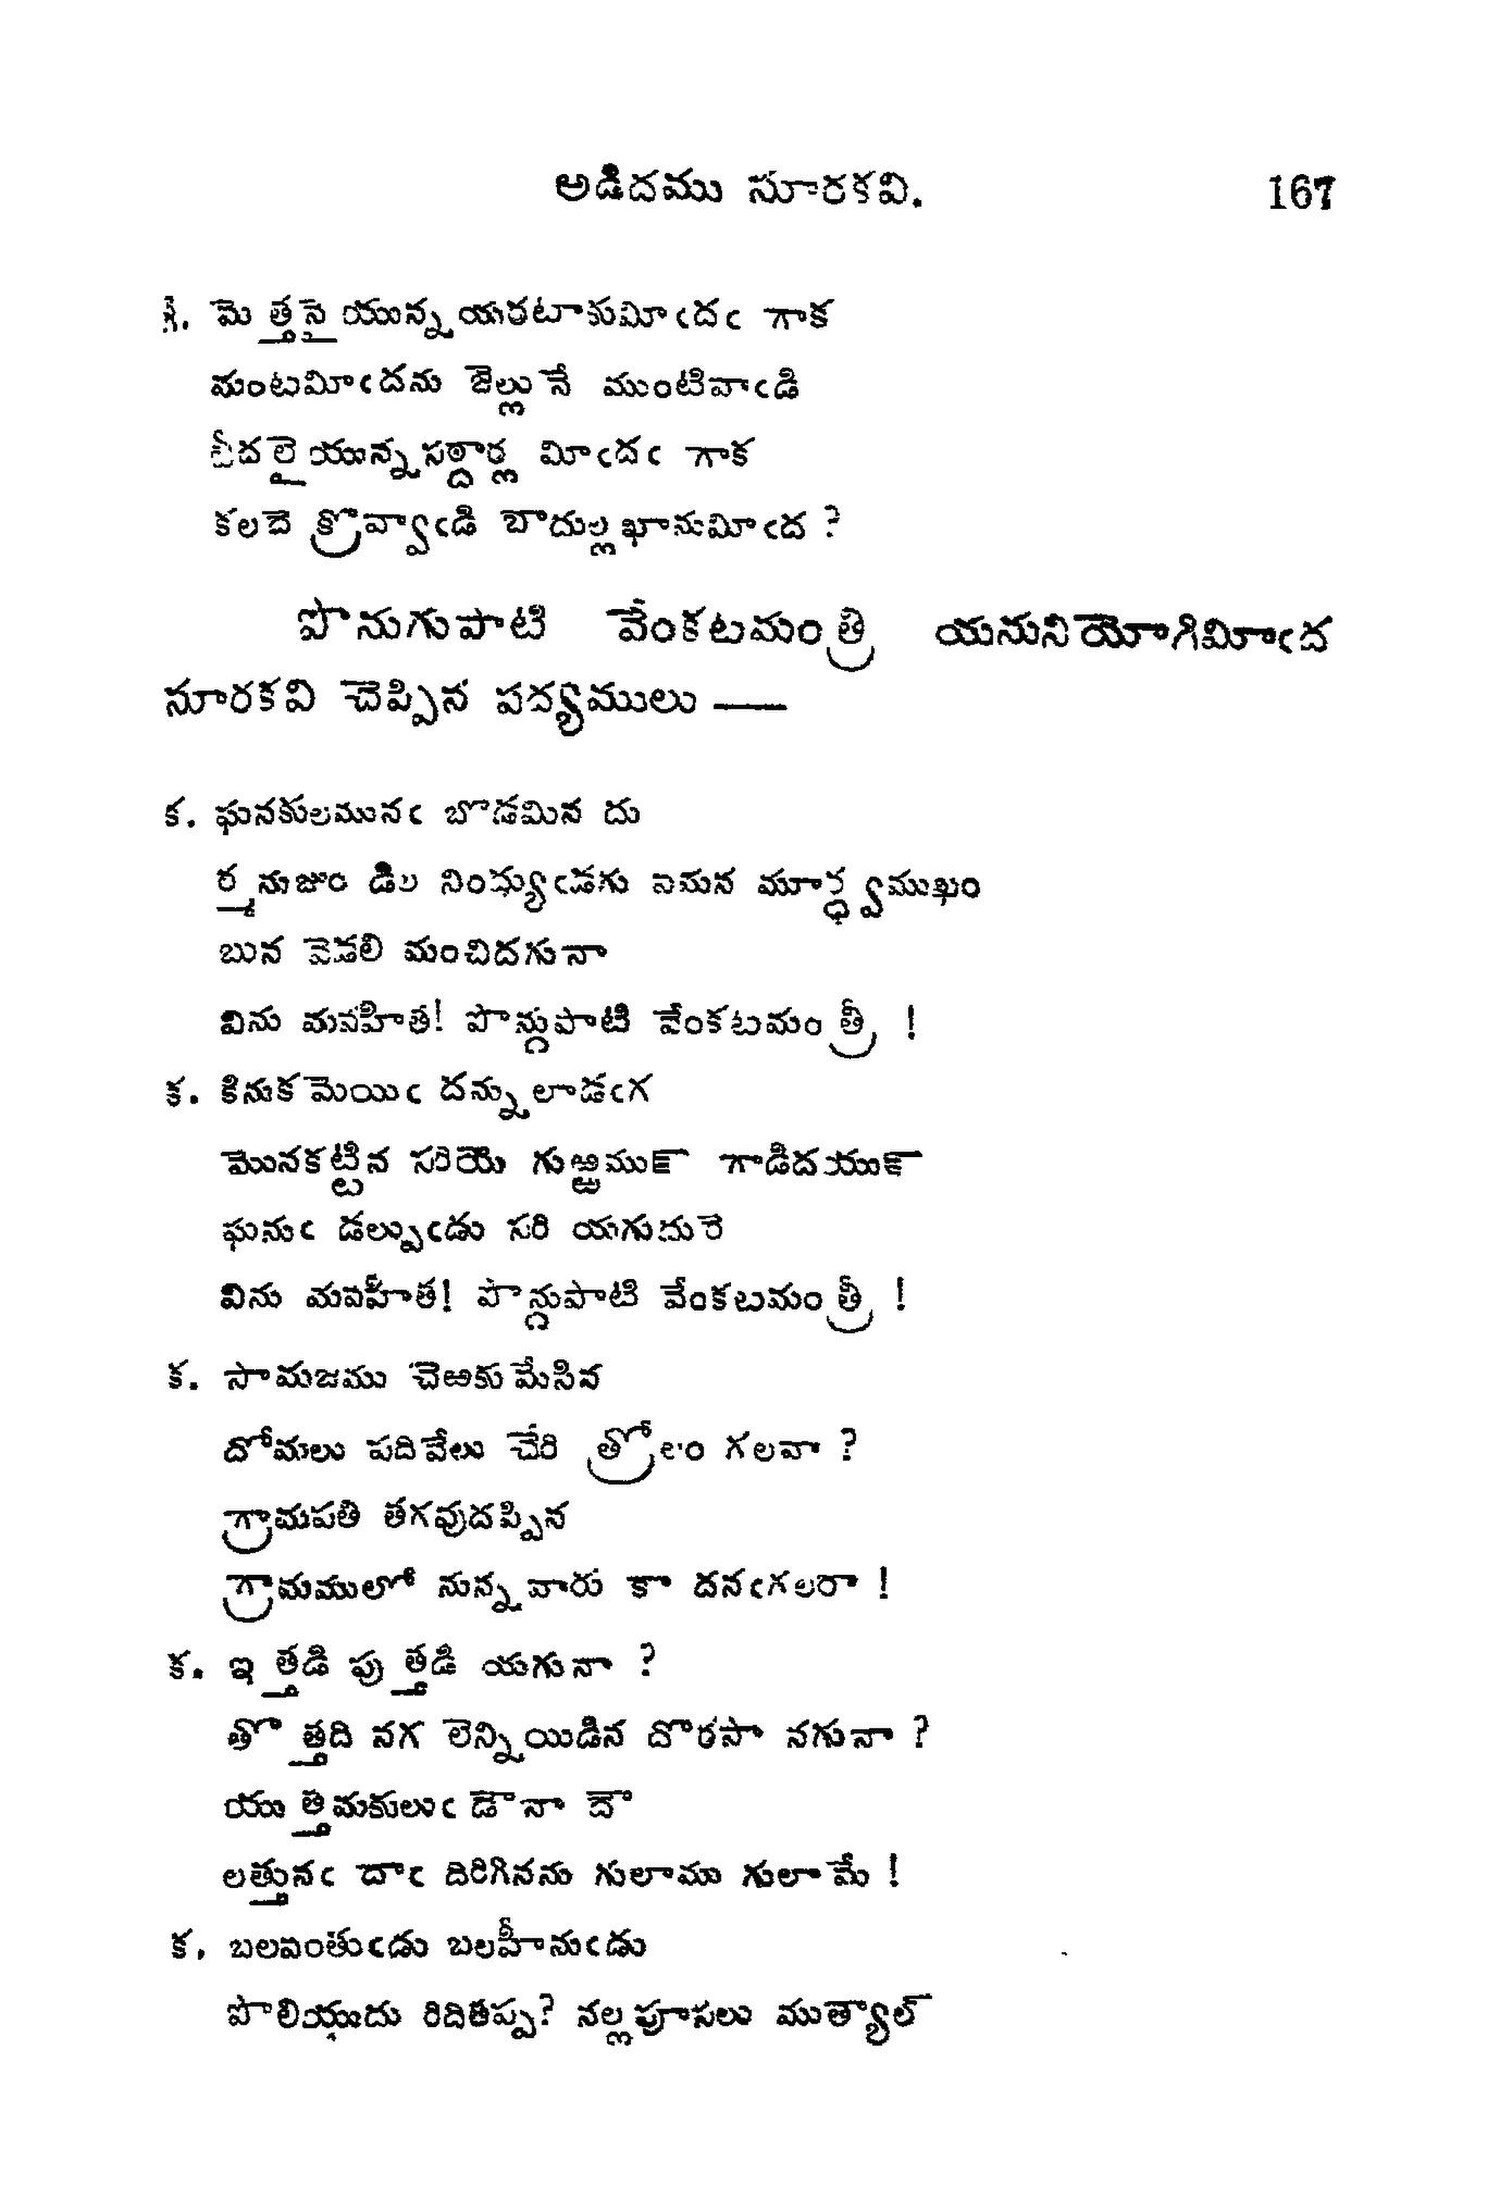గీ. మెత్తనైయున్నయరటాకుమీఁదఁ గాక
 మంటమీఁదను జెల్లునే మంటివాఁడి
 బీదలై యున్నసర్దార్లమీఁదఁ గాక
 కలదె క్రొవ్వాఁడి బాదుల్లఖానుమీఁద?
పొనుగుపాటివేంకటమంత్రి యనునియోగిమీఁద సూరకవి చెప్పిన పద్యములు—
క. ఘనకులమునఁ బొడమిన దు
 ర్మనుజు డిల నింద్యుఁడగు వమన మూర్ధ్వముఖం
 బున వెడలి మంచిదగునా
 విను మవహిత! పొన్గుపాటి వేంకటమంత్రీ!
క. కినుకమెయిఁ దన్నులాడఁగ
 మొనకట్టిన సరయె గుఱ్ఱమున్ గాడిదయున్
 ఘనుఁ డల్పుఁడు సరి యగుదురె
 విను మవహిత! పొన్గుపాటి వేంకటమంత్రీ!
క. సామజము చెఱకు మెసిన
 దోమలు పదివేలు చేరి త్రోలం గలవా?
 గ్రామపతి తగవుదప్పిన
 గ్రామములో నున్నవారు కా దనఁగలరా?
క. ఇత్తడి పుత్తడి యగునా?
 తొత్తది నగ లెన్నియిడిన దొరసా నగునా?
 యుత్తమకులుఁ డౌనా దౌ
 లత్తునఁ దాఁ దిరిగినను గులాము గులామే!
క. బలవంతుఁడు బలహీనుఁడు
 పొలియుదు రిది తప్ప? నల్లపూసలు ముత్యాల్